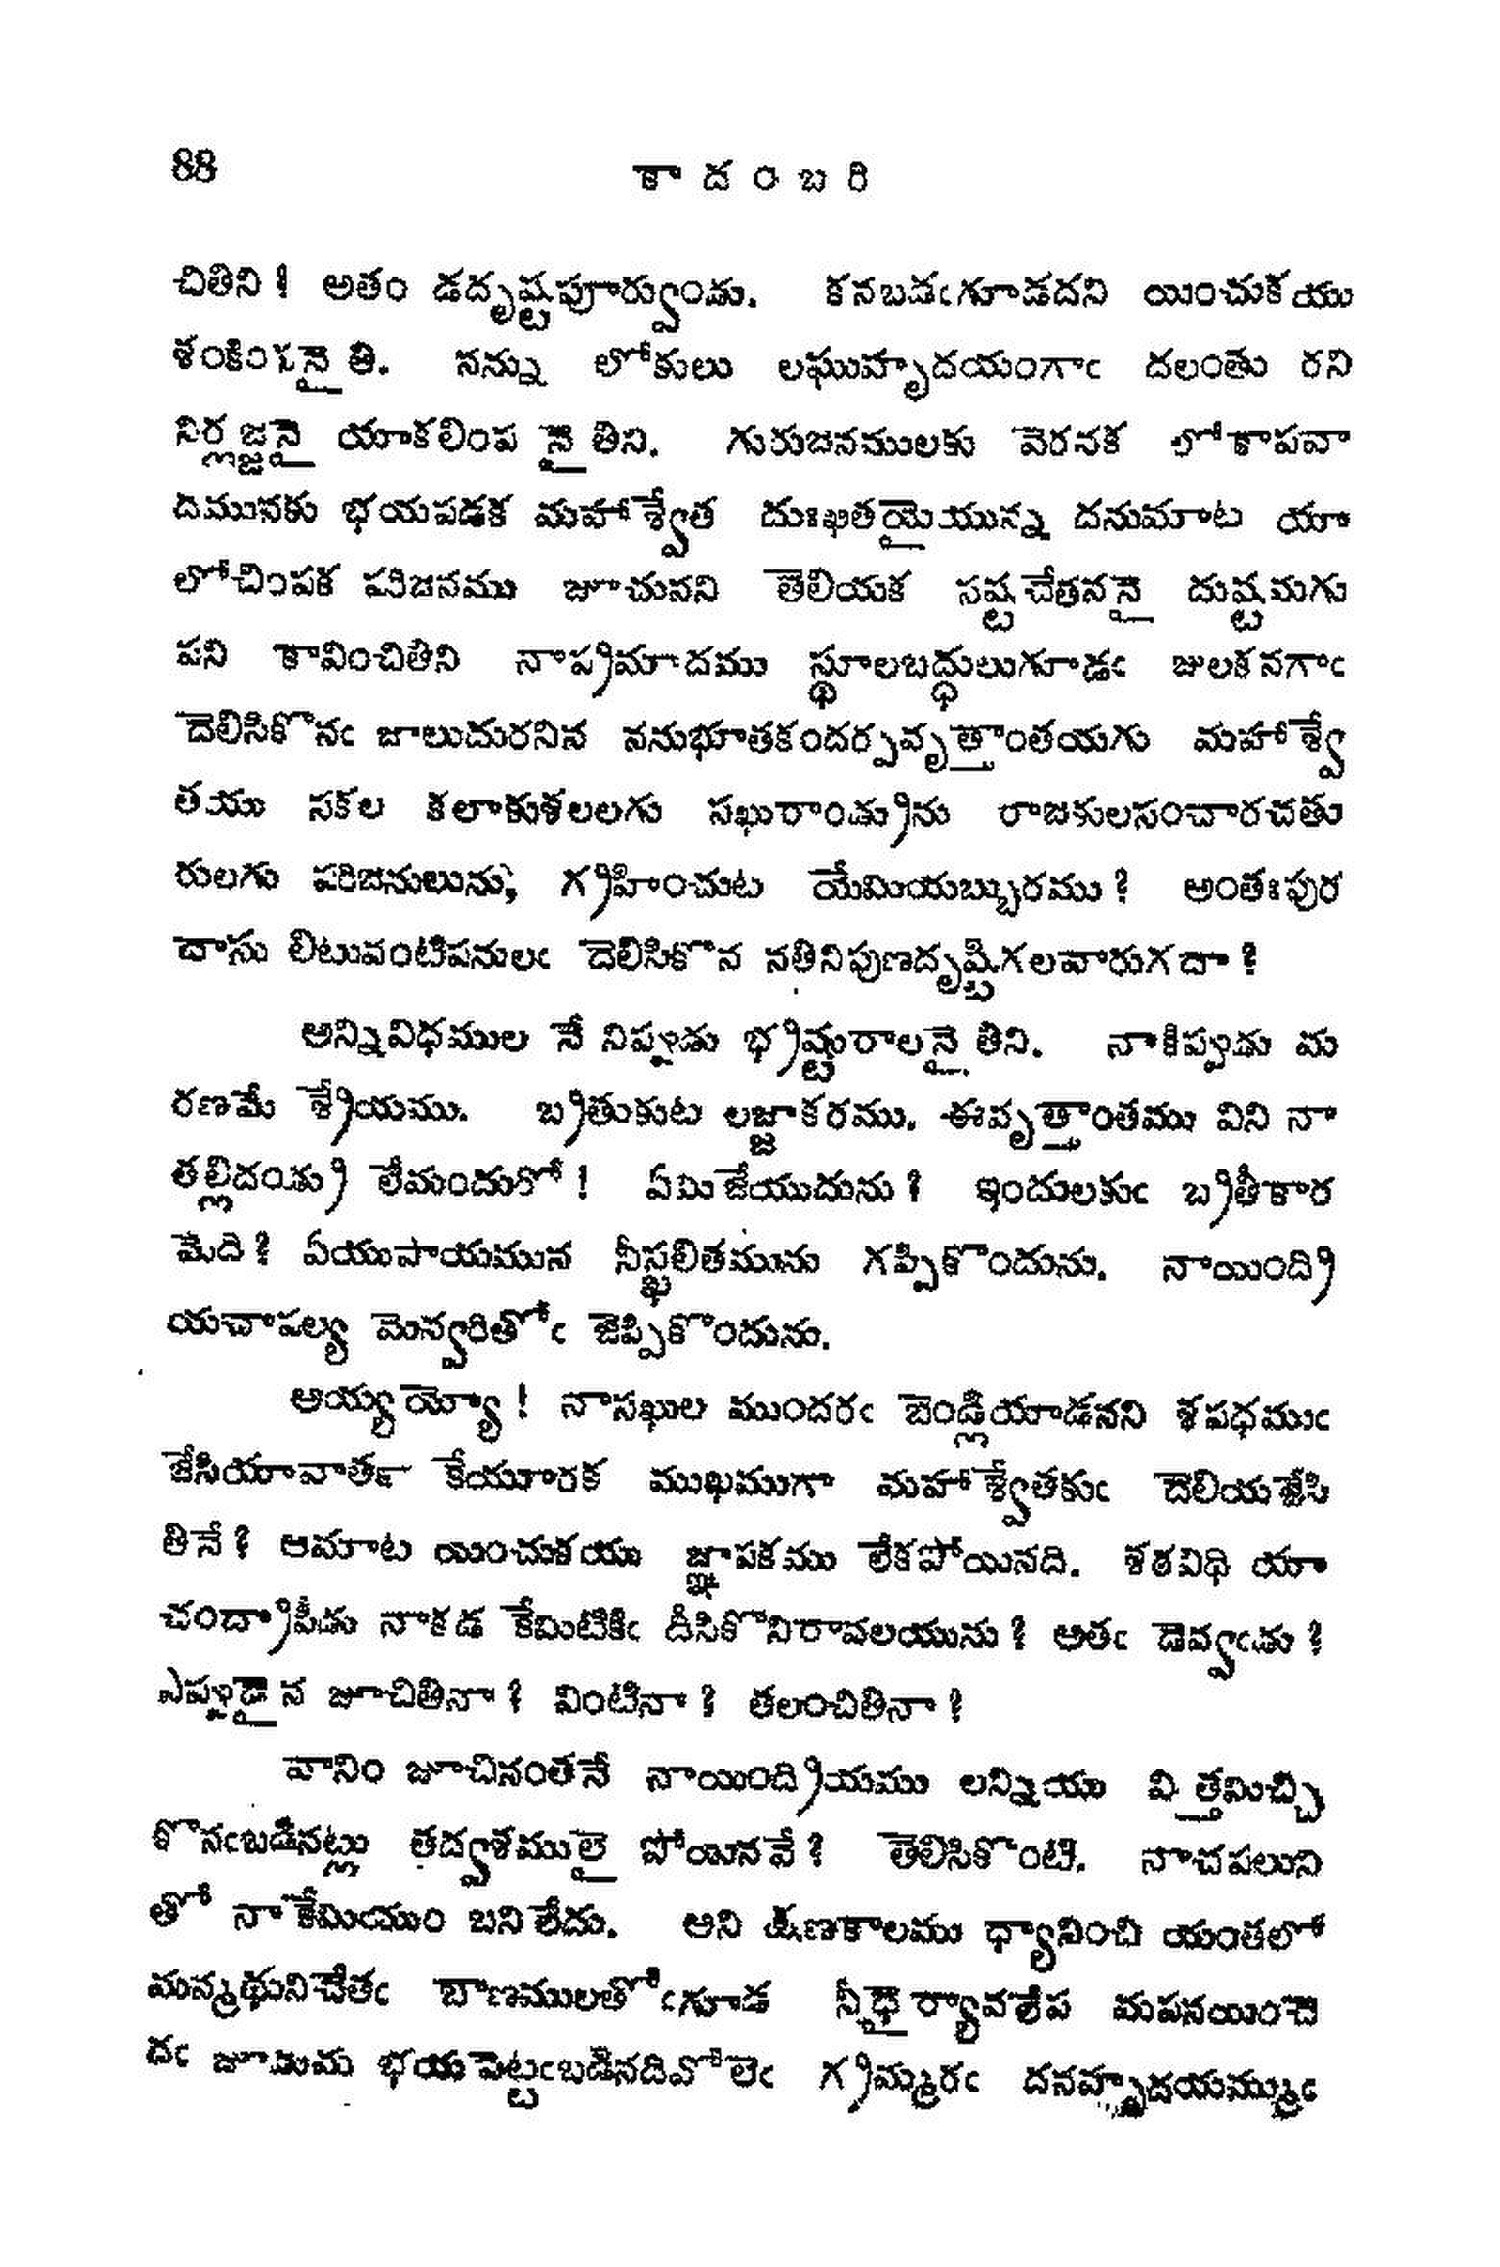చితిని? అతం డదృష్టపూర్వుండు. కనబడఁగూడదని యించుకయు శంకింపనైతి. నన్ను లోకులు లఘుహృదయంగాఁ దలంతు రని నిర్లజ్జనై యాకలింప నైతిని. గురుజనములకు వెరవక లోకాపవాదమునకు భయపడక మహాశ్వేత దుఃఖితయైయున్న దనుమాట యాలోచింపక పరిజనము జూచునని తెలియక సష్టచేతననై దుష్టమగు పని కావించితిని నాప్రమాదము స్థూలబద్ధులుగూడఁ జులకనగాఁ దెలిసికొనఁ జాలుదురనిన ననుభూతకందర్పవృత్తాంతయగు మహాశ్వేతయు సకల కులాకుశలలగు సఖురాండ్రును రాజకులసంచారచతురలగు పరిజనులును, గ్రహించుట యేమియబ్బురము? అంతఃపుర దాసు లిటువంటిపనులఁ దెలిసికొన నతినిపుణదృష్టిగలవారుగదా?

అన్నివిధముల నే నిప్పుడు భ్రష్టురాలనైతిని. నాకిప్పుడు మరణమే శ్రేయము. బ్రతుకుట లజ్జాకరము. ఈవృత్తాంతము విని నా తల్లిదండ్రు లేమందురో! ఏమిజేయుదును? ఇందులకుఁ బ్రతీకార మేది? ఏయుపాయమున నీస్ఖలితమును గప్పికొందును. నాయింద్రియచాపల్య మెవ్వరితోఁ జెప్పికొందును.

అయ్యయ్యో! నాసఖుల ముందరఁ బెండ్లియాడనని శపధముఁ జేసియావత౯ కేయూరక ముఖముగా మహాశ్వేతకుఁ దెలియజేసితినే? ఆమాట యించుకయు జ్ఞాపకము లేకపోయినది. శఠవిథి యా చంద్రాపీడు నాకడ మేమిటికిఁ దీసికొనిరావలయును? అతఁ డెవ్వఁడు? ఎప్పుడైన జూచితినా? వింటినా? తలంచితినా?

వానిం జూచినంతనే నాయింద్రియము లన్నియు విత్తమిచ్చికొనఁబడినట్లు తద్వశములై పోయినవే? తెలిసికొంటి. నాచపలునితో నాకేమియుం బనిలేదు. అని క్షణకాలము ధ్యానించి యంతలో మన్మథునిచేతఁ బాణములతోఁగూడ నీధైర్యావలేప మపనయించెదఁ జూడుమ భయపెట్టఁబడినదివోలెఁ గ్రమ్మరఁ దనహృదయమ్ముఁ